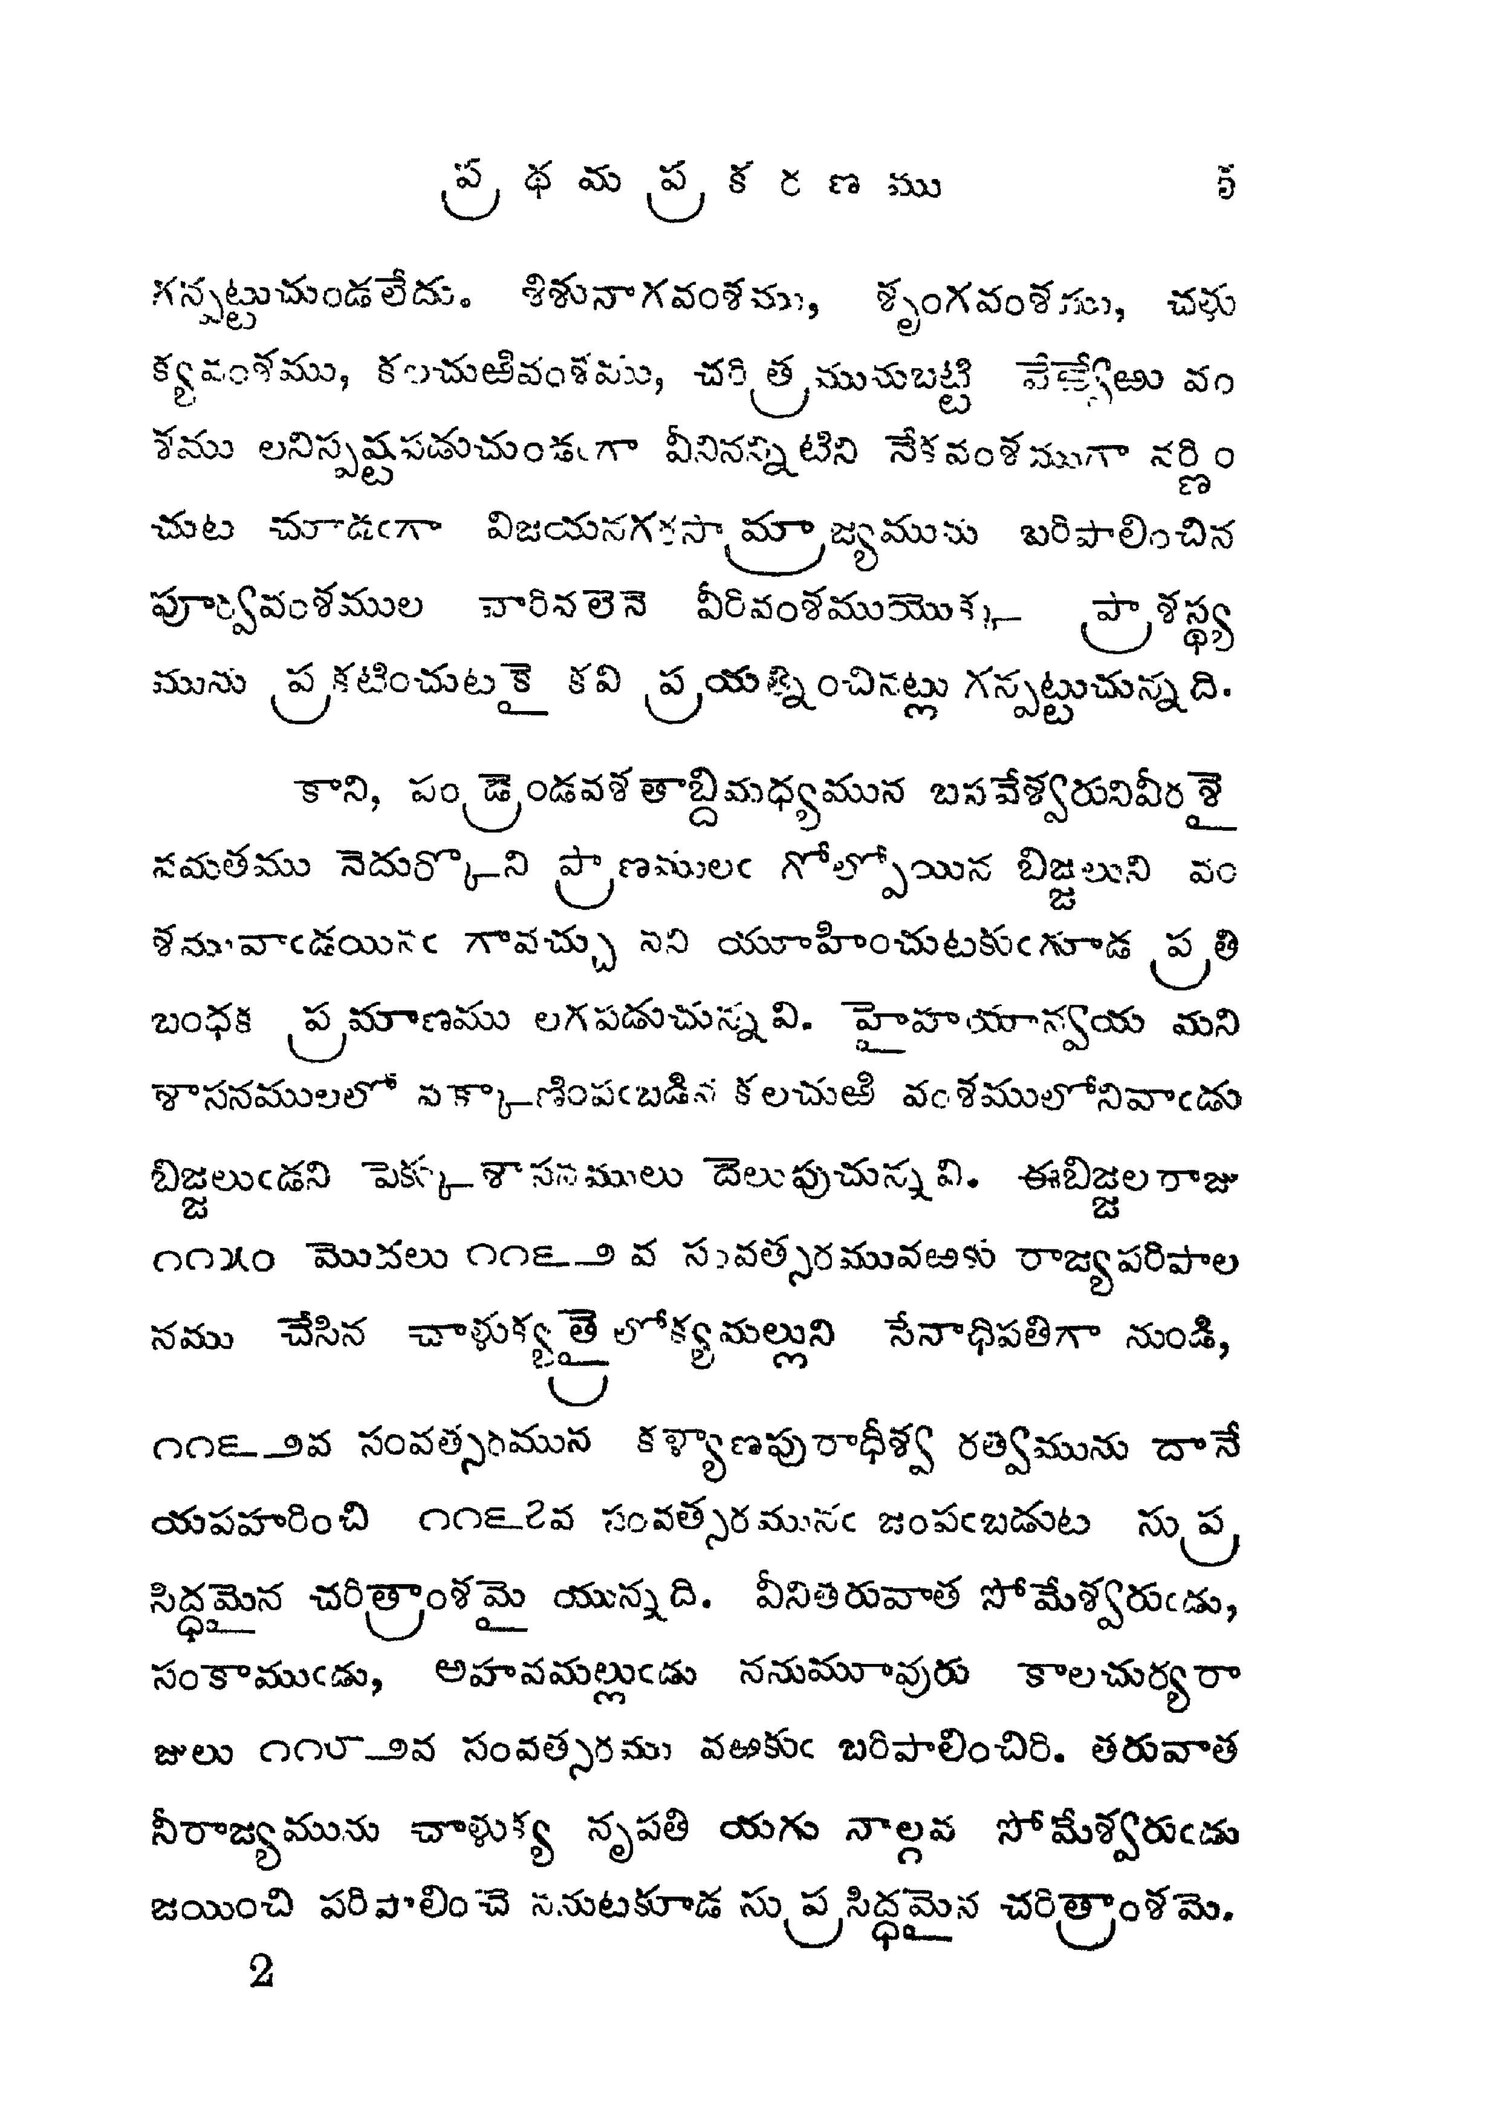గన్పట్టుచుండలేదు. శిశునాగవంశము, శృంగవంశము, చళుక్యవంశము, కలచుఱివంశము, చరిత్రమునుబట్టి వేఱ్వేఱు వంశము లనిస్పష్టపడుచుండగా వీనినన్నిటిని నేకవంశముగా వర్ణించుట చూడగా విజయనగరసామ్రాజ్యమును బరిపాలించిన పూర్వవంశముల వారివలెనె వీరివంశముయొక్క ప్రాశస్థ్యమును ప్రకటించుటకై కవి ప్రయత్నించినట్లు గన్పట్టుచున్నది.

కాని, పండ్రెండవ శతాబ్దిమధ్యమున బసవేశ్వరుని వీరశైవమతము నెదుర్కొని ప్రాణముల గోల్పోయిన బిజ్జలుని వంశమువాడయిన గావచ్చునని యూహించుటకుగూడ ప్రతిబంధక ప్రమాణము లగపడుచున్నవి. హైహయాన్వయ మని శాసనములలో వక్కాణింపబడిన కలచుఱి వంశములోనివాడు బిజ్జులుడని పెక్కుశాసనములు దెలుపుచున్నవి. ఈబిజ్జలరాజు 1150 మొదలు 1162 వ సంవత్సరమువఱకు రాజ్యపరిపాలనము చేసిన చాళుక్యత్రైలోక్యమల్లుని సేనాధిపతిగా నుండి, 1162 వ సంవత్సరమున కళ్యాణపురాధీశ్వ రత్వమును దానే యపహరించి 1167 వ సంవత్సరమున జంపబడుట సుప్రసిద్ధమైన చరిత్రాంశమై యున్నది. వీనితరువాత సోమేశ్వరుడు, సంకాముడు, అహవమల్లుడు ననుమూవురు కాలచుర్యరాజులు 1182 వ సంవత్సరము వఱకు బరిపాలించిరి. తరువాత నీరాజ్యమును చాళుక్య నృపతి యగు నాల్గవ సోమేశ్వరుడు జయించి పరిపాలించె ననుటకూడ సుప్రసిద్ధమైన చరిత్రాంశమె.